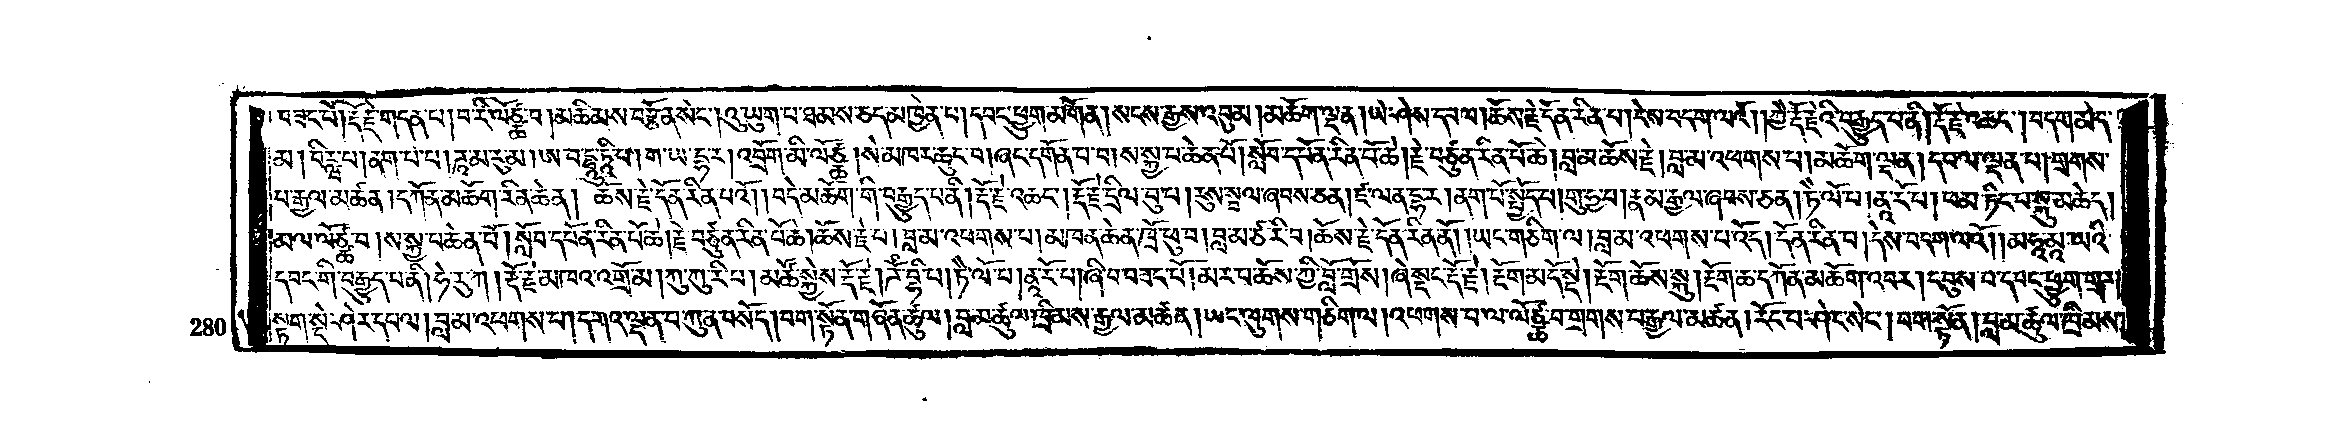བཟང་པོ། རྡོ་རྗེ་གདན་པ། བ་རི་ལོཙྪ་བ་།མཆིམས་བརྩོན་སེང་། འུ་ཡུག་པ་ཐམས་ཅད་མཁྱེན་པ། དབང་ཕྱུག་མགོན། སངས་རྒྱས་འབུམ། མཆོག་ལྡན། ཡེ་ཤེས་དཔལ། ཆོས་རྗེ་དོན་རིན་པ། ངེས་བདག་ལའོ། །ཀྱཻ་རྡོ་རྗེའི་བརྒྱུད་པ་ནི། རྡོ་རྗེ་འཆང་། བདག་མེད་
མ། བིརྭ་པ། ནག་པ་པ། ཌཱ་མ་རུ་མ། ཨ་བ་དྷཱུ་ཏཱི་པ། ག་ཡ་དྷ་ར། འབྲོག་མི་ལོཙྪ། སེ་མཁར་ཆུང་བ། ཞང་དགོན་པ་བ། ས་སྐྱ་པ་ཆེན་པོ། སློབ་དཔོན་རིན་པོ་ཆེ། རྗེ་བཙུན་རིན་པོ་ཆེ། བླ་མ་ཆོས་རྗེ། བླ་མ་འཕགས་པ། མཆོག་ལྡན། དཔལ་ལྡན་པ། གྲགས་
པ་རྒྱལ་མཚན། དཀོན་མཆོག་རིན་ཆེན། ཆོས་རྗེ་དོན་རིན་པའོ། །བདེ་མཆོག་གི་བརྒྱུད་པ་ནི། རྡོ་རྗེ་འཆང་། རྡོ་རྗེ་དྲིལ་བུ་པ། རུས་སྦལ་ཞབས་ཅན། ཛ་ལན་དྷ་ར་།ནག་པོ་སྤྱོད་པ། གུ་ཧྱ་པ། རྣམ་རྒྱལ་ཞབས་ཅན། ཏཻ་ལོ་པ། ནཱ་རོ་པ། ཕམ་ཏིང་པ་སྐུ་མཆེད།
མལ་ལོཙྪ་བ། ས་སྐྱ་པ་ཆེན་པོ། སློབ་དཔོན་རིན་པོ་ཆེ། རྗེ་བཙུན་རིན་པོ་ཆེ། ཆོས་རྗེ་པ། བླ་མ་འཕགས་པ། མཁན་ཆེན་ཁྲོ་ཕུ་བ། བླ་མ་ཙ་རི་བ། ཆོས་རྗེ་དོན་རིན་ནོ། །ཡང་གཅིག་ལ་།བླ་མ་འཕགས་པ་འོད། དོན་རིན་པ། དེས་བདག་ལའོ། །མཧཱ་མཱ་ཡའི་
དབང་གི་བརྒྱུད་པ་ནི། ཧེ་རུ་ཀ། རྡོ་རྗེ་མཁའ་འགྲོ་མ། ཀུ་ཀུ་རི་པ། མཚོ་སྐྱེས་རྡོ་རྗེ། ཌོཾ་བྷི་པ། ཏཻ་ལོ་པ། ནཱ་རོ་པ། ཞི་བ་བཟང་པོ། མར་པ་ཆོས་ཀྱི་བློ་གྲོས། ཞེ་སྡང་རྡོ་རྗེ། རྔོག་མདོ་སྡེ། རྔོག་ཆོས་སྐུ །རྔོག་ཆ་དཀོན་མཆོག་འབར། དབུས་བ་དབང་ཕྱུག་གྲཌ་
སྟག་སྡེ་ཤེར་དཔལ། བླ་མ་འཕགས་པ། དགའ་ལྡན་པ་ཀུན་བསོད། བག་སྟོན་གཞོན་ཚུལ། བླ་མ་ཚུལ་ཁྲིམས་རྒྱལ་མཚན། ཡང་ལུགས་གཅིག་ལ། འཕགས་པ་ལ་ལོཙྪ་བ་གྲགས་པ་རྒྱལ་མཚན་།རོང་པ་ཤེང་སེང་། བག་སྟོན། བླ་མ་ཚུལ་ཁྲིམས་